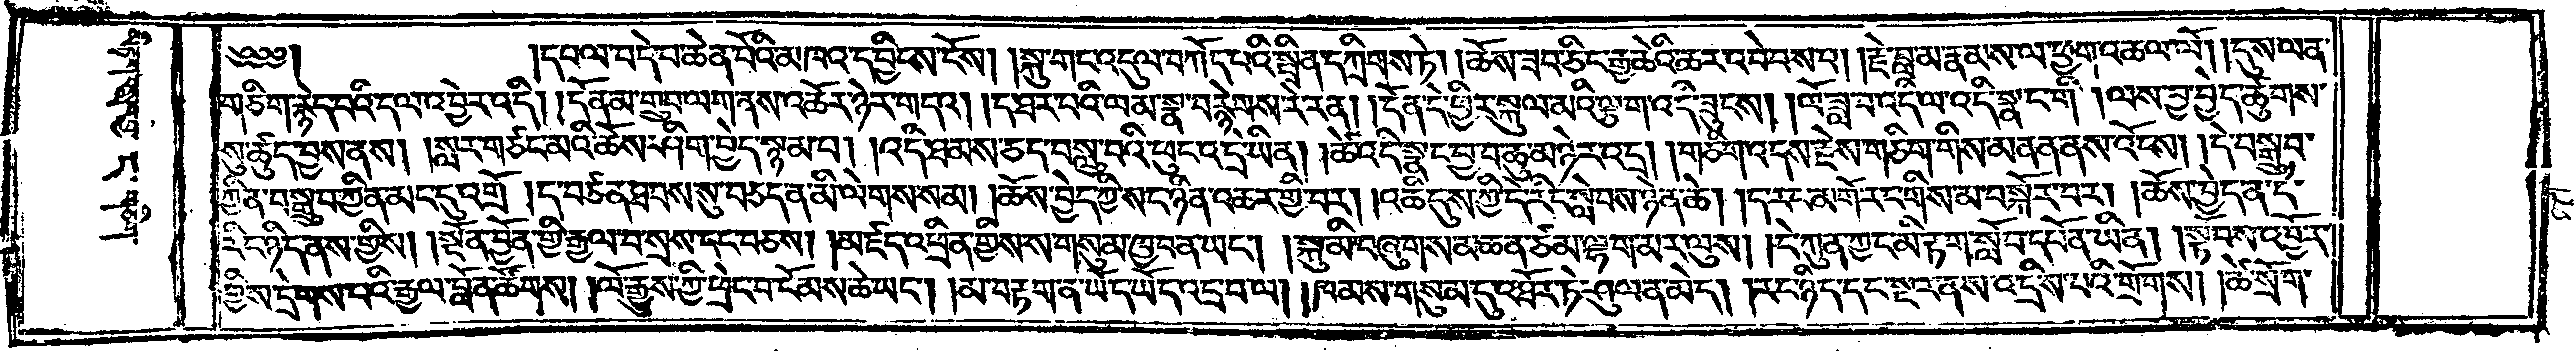༄༅༅། །དཔལ་བདེ་བ་ཆེན་པོའི་མཁའ་དབྱིངས་ངོས། །སྐུ་གང་འདུལ་བཀོད་པའི་སྤྲིན་དཀྲིགས་ཏེ། །ཆོས་ཟབ་ཅིང་རྒྱ་ཆེའི་ཆར་འབེབས་ལ། །རྗེ་བླ་མ་རྣམས་ལ་ཕྱག་འཚལ་ལོ། །དུས་ལན་
གཅིག་རྙེད་པའི་དལ་འབྱེར་འདི། །དོན་མ་གྲུབ་ལག་ནས་འཆོར་ཉེར་གདའ། །ད་ཐར་པའི་ལམ་སྣ་བརྙེགས་རེ་རན། །དོན་དེ་ཕྱིར་སྐུལ་མའི་ལྕག་འདི་ཟུངས། །ལོ་ཟླ་བ་འདི་ལ་འདི་སྣང་གི །ལས་བྱ་བྱེད་ཚུགས་
སུ་ཚུད་བྱས་ནས། །སླར་གཙང་མའི་ཆོས་ཤིག་བྱེད་སྙམ་པ། །འདི་ཐམས་ཅད་བསླུ་བའི་ཕུང་འདྲེ་ཡིན། །ཚེ་འདི་སྣང་བྱ་བ་ཆུ་མཉེར་འདྲ། །གཅིག་འདས་རྗེས་གཅིག་གིས་མནན་ནས་འོངས། །དེ་བསྒྲུབ་
ཀྱིན་བསྒྲུབ་ཀྱིན་མང་དུ་འགྲོ་།ད་བཙན་ཐབས་སུ་བཅད་ན་མི་ལེགས་སམ། །ཆོས་བྱེད་ཀྱི་སང་ཉིན་འཆར་གྱི་བར། །འཆི་དུས་ཀྱི་དེ་རིང་སླེབས་ཉེན་ཆེ། །ད་རང་མགོ་རང་གིས་མ་བསྐོར་བར། །ཆོས་བྱེད་ན་དེ་
རིང་ཉིད་ནས་གྱིས། །སྔོན་བྱོན་གྱི་རྒྱལ་བ་སྲས་དང་བཅས། །མཛད་འཕྲིན་གྱིས་ས་གསུམ་ཁྱབ་ན་ཡང་། །སྐུ་མི་བཞུགས་མཆན་ཙམ་ལྷག་མར་ལུས། །དེ་ཀུན་ཀྱང་མི་རྟག་སློབ་དཔོན་ཡིན། །སྟོབས་འབྱོར་
གྱིས་དྲེགས་པའི་རྒྱལ་བློན་ཚོགས། །ལོ་རྒྱུས་ཀྱི་ཕྲེང་བ་ངོམས་ཆེ་ཡང་། །མ་བརྟག་ན་ཡོད་ཡོད་འདྲ་བ་ལ། །ཁམས་གསུམ་དུ་འཐོར་ཏེ་ཤུལ་ན་མེད། །རང་ཉིད་དང་སྔར་ནས་འདྲིས་པའི་གྲོགས། །ཚེ་སྲོག་